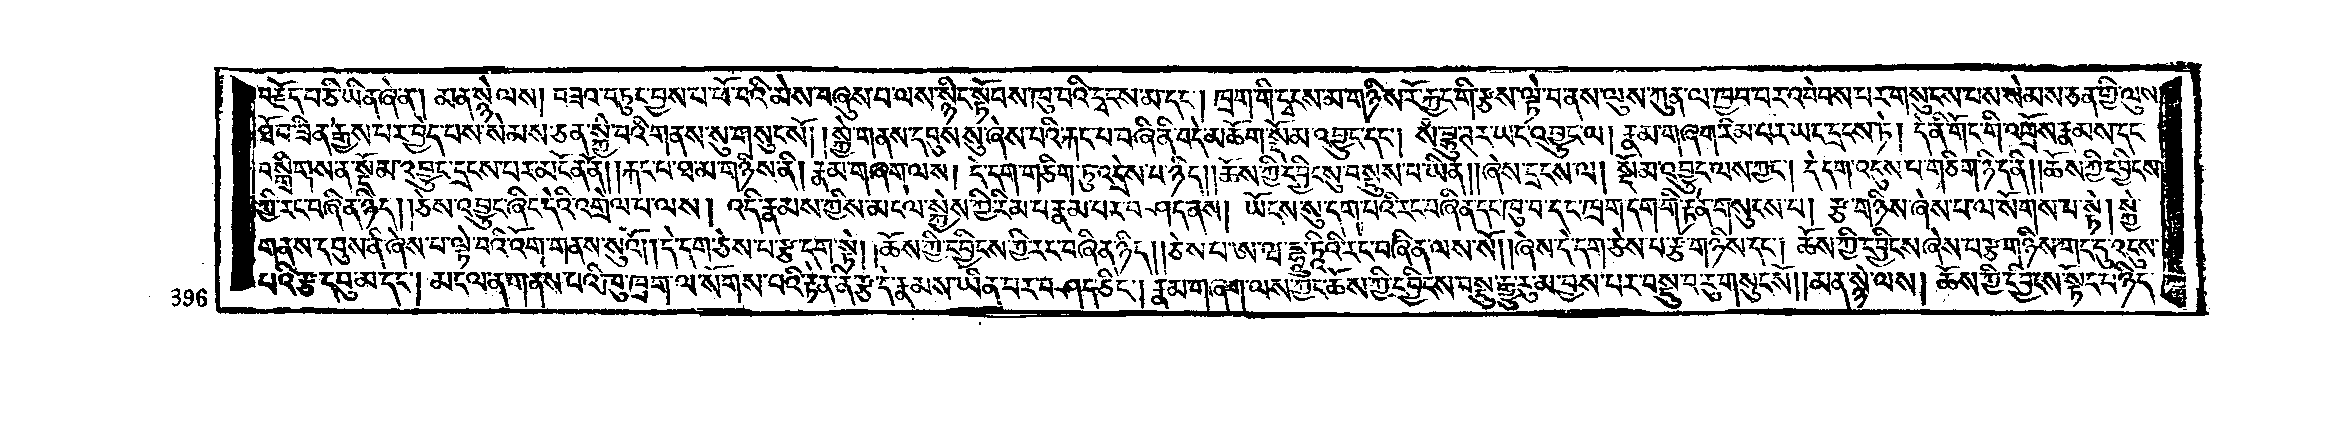བརྗོད་པ་ཅི་ཡིན་ཞེ་ན། མན་སྙེ་ལས། བཟའ་བཏུང་བྱས་པ་ཕོ་བའི་མེས་བཞུས་པ་ལས་སྙིང་སྟོབས་ཁུ་བའི་དྭངས་མ་དང་། ཁྲག་གི་དྭངས་མ་གཉིས་རོ་རྐྱང་གི་རྩས་ལྟེ་བ་ནས་ལུས་ཀུན་ལ་ཁྱབ་པར་འབེབས་པར་གསུངས་པས་སེམས་ཅན་གྱི་ལུས་
ཐོབ་ཟིན་རྒྱས་པར་བྱེད་པས་སེམས་ཅན་སྐྱེ་བའི་གནས་སུ་གསུངས་སོ། །སྐྱེ་གནས་དབུས་སུ་ཞེས་པའི་རྐང་པ་བཞི་ནི་བདེ་མཆོག་སྡོམ་འབྱུང་དང་། སཾ་བཧུ་ཊར་ཡང་འབྱུང་ལ། རྣམ་གཞག་རིམ་པར་ཡང་དྲངས་ཏེ། དེ་ནི་གོང་གི་འཕྲོས་རྣམས་དང་
བསྒྲིགས་ན་སྡོམ་འབྱུང་དྲངས་པར་མངོན་ནོ། །རྐང་པ་ཐ་མ་གཉིས་ནི། རྣམ་གཞག་ལས། དེ་དག་གཅིག་ཏུ་འདྲེས་པ་ཉིད། །ཆོས་ཀྱི་དབྱིངས་སུ་བསྡུས་པ་ཡིན། །ཞེས་དྲངས་ལ། སྡོམ་འབྱུང་ལས་ཀྱང་། དེ་དག་འདུས་པ་གཅིག་ཉིད་ནི། །ཆོས་ཀྱི་དབྱིངས་
ཀྱི་རང་བཞིན་ཉིད། །ཅེས་འབྱུང་ཞིང་དེའི་འགྲེལ་པ་ལས། འདི་རྣམས་ཀྱིས་མངལ་སྐྱེས་ཀྱི་རིམ་པ་རྣམ་པར་བཤད་ནས། ཡོངས་སུ་དག་པའི་རང་བཞིན་དང་ཁུ་བ་དང་ཁྲག་དག་གི་རྟེན་གསུངས་པ། རྩ་གཉིས་ཞེས་པ་ལ་སོགས་པ་སྟེ། སྐྱེ་
གནས་དབུས་ནི་ཞེས་པ་ལྟེ་བའི་འོག་གནས་སུའོ། །དེ་དག་ཅེས་པ་རྩ་དག་སྟེ། །ཆོས་ཀྱི་དབྱིངས་ཀྱི་རང་བཞིན་ཉིད། །ཅེས་པ་ཨ་ཝ་དྷཱུ་ཏཱིའི་རང་བཞིན་ལས་སོ། །ཞེས་དེ་དག་ཅེས་པ་རྩ་གཉིས་དང་། ཆོས་ཀྱི་དབྱིངས་ཞེས་པ་རྩ་གཉིས་གང་དུ་འདུས་
པའི་རྩ་དབུ་མ་དང་། མངལ་ན་གནས་པའི་ཁུ་ཁྲག་ལ་སོགས་པའི་རྟེན་ནི་རྩ་དེ་རྣམས་ཡིན་པར་བཤད་ཅིང་། རྣམ་གཞག་ལས་ཀྱང་ཆོས་ཀྱི་དབྱིངས་བསྡུ་རྒྱུ་རུ་མ་བྱས་པར་བསྡུ་བ་རུ་གསུངས་སོ། །མན་སྙེ་ལས། ཆོས་ཀྱི་དབྱིངས་སྟོང་པ་ཉིད་